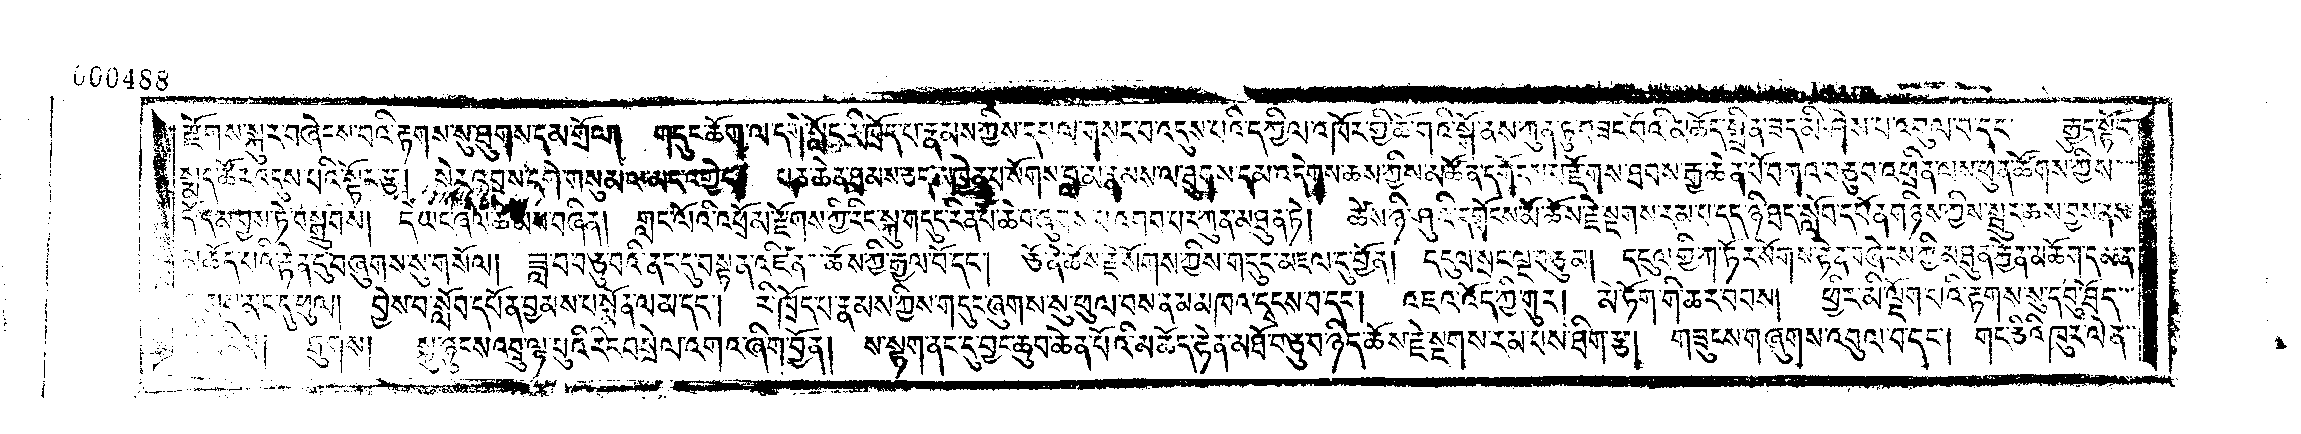རྫོགས་སྐུར་བཞེངས་པའི་རྟགས་སུ་ཐུགས་དམ་གྲོལ། གདུང་ཆོག་ལ་དགེ་སློང་རི་ཁྲོད་པ་རྣམས་ཀྱིས་དཔལ་གསང་བ་འདུས་པའི་དཀྱིལ་འཁོར་གྱི་ཆོ་གའི་སྒོ་ནས་ཀུན་ཏུ་བཟང་པོའི་མཆོད་སྤྲིན་ཟད་མི་ཤེས་པ་འབུལ་བ་དང་། རྒྱུད་སྟོང་
སྨད་ཚོར་འདུས་བའི་སྟོང་རྩ། སེར་འབྲས་དགེ་གསུམ་ལ་མང་འགྱེད། པཎ་ཆེན་ཐམས་ཅད་མཁྱེན་པ་སོགས་བླ་མ་རྣམས་ལ་ཐུགས་དམ་འདེགས་ཆས་ཀྱིས་མཚོན་དགོངས་པ་རྫོགས་ཐབས་རྒྱ་ཆེན་པོ་བཀའ་བཅུ་པ་འཕྲིན་ལས་ཕུན་ཚོགས་ཀྱིས་
དོ་དམ་བྱས་ཏེ་བསྒྲུབས། དེ་ཡང་ཞལ་ཆེམས་བཞིན། གླང་ལོའི་འཕྲོ་མ་རྫོགས་ཀྱི་རིང་སྐུ་གདུང་རིན་པོ་ཆེ་བཞུགས་པ་འགབ་པར་ཀུན་མཐུན་ཏེ། ཚེས་ཉི་ཤུའི་དགོངས་མོ་ཆོས་རྗེ་སྔགས་རམ་པ་དང་ཉི་ཐང་སློབ་དཔོན་གཉིས་ཀྱིས་སྦུར་ཆས་བྱས་ནས་
མཆོད་པའི་རྟེན་དུ་བཞུགས་སུ་གསོལ། ཟླ་བ་བཅུ་པའི་ནང་དུ་བསྟན་འཛིན་ཆོས་ཀྱི་རྒྱལ་པོ་དང་། ཅོ་ནེ་ཆོས་རྗེ་སོགས་ཀྱིས་གདུང་མཇལ་དུ་བྱོན། དངུལ་སྲང་ལྔ་བཅུ་མ། དངུལ་གྱི་ཀ་ཏོར་སོགས་རྟེན་བཞེངས་ཀྱི་མཐུན་རྐྱེན་མཆོག་དམན་
དུ་མས་མང་དུ་ཕུལ། བྱེས་པ་སློབ་དཔོན་བྱམས་པ་སྨོན་ལམ་དང་། རི་ཁྲོད་པ་རྣམས་ཀྱིས་གདུང་ཞུགས་སུ་ཕུལ་བས་ནམ་མཁའ་དྭངས་པ་དང་། འཇའ་འོད་ཀྱི་གུར། མེ་ཏོག་གི་ཆར་བབས། ཕྱིར་མི་ལྡོག་པའི་རྟགས་སུ་དབུ་ཐོད་
བམ་རིལ། ཐུགས། སྐུ་ཉུངས་འབྲུ་ལྟ་བུའི་རིང་བསྲེལ་འགའ་ཞིག་བྱོན། ས་སྟག་ནང་དུ་བྱང་ཆུབ་ཆེན་པོའི་མཆོད་རྟེན་མཐོ་བཅུ་པ་ཉིད་ཆོས་རྗེ་སྔགས་རམ་པས་ཐིག་རྩ། གཟུངས་གཞུགས་འབུལ་བ་དང་། གང་ཅིའི་ཁུར་ལེན་